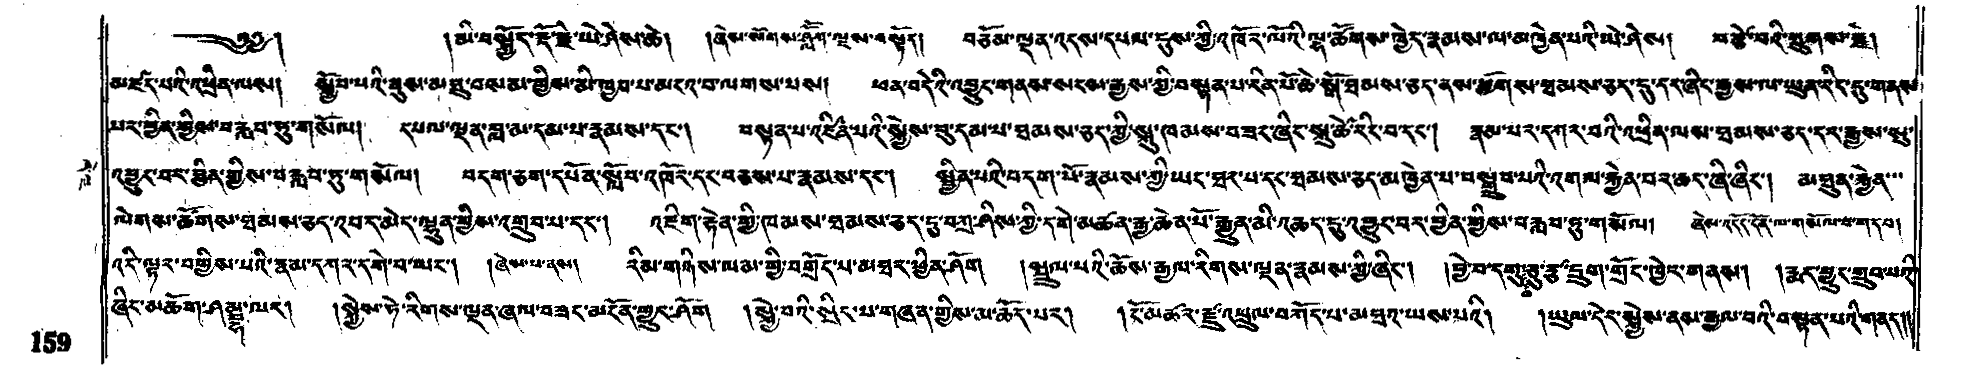༄༅། །མི་བསྐྱོད་རྡོ་རྗེ་ཡེ་ཤེས་ཆེ། ། ཞེས་སོགས་ཤླཽཀ་ལྔས་བསྟོད།  བཅོམ་ལྡན་འདས་དཔལ་དུས་ཀྱི་འཁོར་ལོའི་ལྷ་ཚོགས་ཁྱེད་རྣམས་ལ་མཁྱེན་པའི་ཡེ་ཤེས། བརྩེ་བའི་ཐུགས་རྗེ།
མཛད་པའི་འཕྲིན་ལས། སྐྱོབ་པའི་ནུས་མཐུ་བསམ་གྱིས་མི་ཁྱབ་པ་མངའ་བ་ལགས་པས། ཕན་བདེའི་འབྱུང་གནས་སངས་རྒྱས་ཀྱི་བསྟན་པ་རིན་པོ་ཆེ་སྒོ་ཐམས་ཅད་ནས་ཕྱོགས་ཐམས་ཅད་དུ་དར་ཞིང་རྒྱས་ལ་ཡུན་རིང་དུ་གནས་
པར་བྱིན་གྱིས་བརླབ་ཏུ་གསོལ། དཔལ་ལྡན་བླ་མ་དམ་པ་རྣམས་དང་། བསྟན་པ་འཛིན་པའི་སྐྱེས་བུ་དམ་པ་ཐམས་ཅད་ཀྱི་སྐུ་ཁམས་བཟང་ཞིང་སྐུ་ཚེ་རིང་བ་དང་། རྣམ་པར་དཀར་བའི་འཕྲིན་ལས་ཐམས་ཅད་དར་རྒྱས་སུ་
འབྱུང་བར་བྱིན་གྱིས་བརླབ་ཏུ་གསོལ། བདག་ཅག་དཔོན་སློབ་འཁོར་དང་བཅས་པ་རྣམས་དང་། སྦྱིན་པའི་བདག་པོ་རྣམས་ཀྱི་ཡང་ཐར་པ་དང་ཐམས་ཅད་མཁྱེན་པ་བསྒྲུབ་པའི་འགལ་རྐྱེན་པར་ཆད་ཞི་ཞིང་། མཐུན་རྐྱེན་
ལེགས་ཚོགས་ཐམས་ཅད་འབད་མེད་ལྷུན་གྱིས་འགྲུབ་པ་དང་། འཇིག་རྟེན་གྱི་ཁམས་ཐམས་ཅད་དུ་བཀྲ་ཤིས་ཀྱི་དགེ་མཚན་རྒྱ་ཆེན་པོ་རྒྱུན་མི་འཆད་དུ་འབྱུང་བར་བྱིན་གྱིས་བརླབ་ཏུ་གསོལ། ཞེས་འདོད་དོན་ལ་གསོལ་བ་གདབ།
འདི་ལྟར་བགྱིས་པའི་རྣམ་དཀར་དགེ་བ་ཡང་། ། ཞེས་པ་ནས།  རིམ་གཉིས་ལམ་གྱི་བགྲོད་པ་མཐར་ཕྱིན་ཤོག །སྤྲུལ་བའི་ཆོས་རྒྱལ་རིགས་ལྡན་རྣམས་ཀྱི་ཞིང་། །བྱེ་བ་དགུ་བཅུ་རྩ་དྲུག་གྲོང་ཁྱེར་གནས། །རྨད་བྱུང་གྲུབ་པའི་
ཞིང་མཆོག་ཤམྦྷ་ལར། །སྐྱེས་ཏེ་རིགས་ལྡན་ཞལ་བཟང་མངོན་གྱུར་ཤོག །སྐྱེ་བའི་སྲིད་པ་གཞན་གྱིས་མ་ཆོད་པར། །ངོ་མཚར་རྫུ་འཕྲུལ་བཀོད་པ་མཐའ་ཡས་པའི། །ཡུལ་དེར་སྐྱེས་ནས་རྒྱལ་བའི་བསྟན་པའི་གནད།།